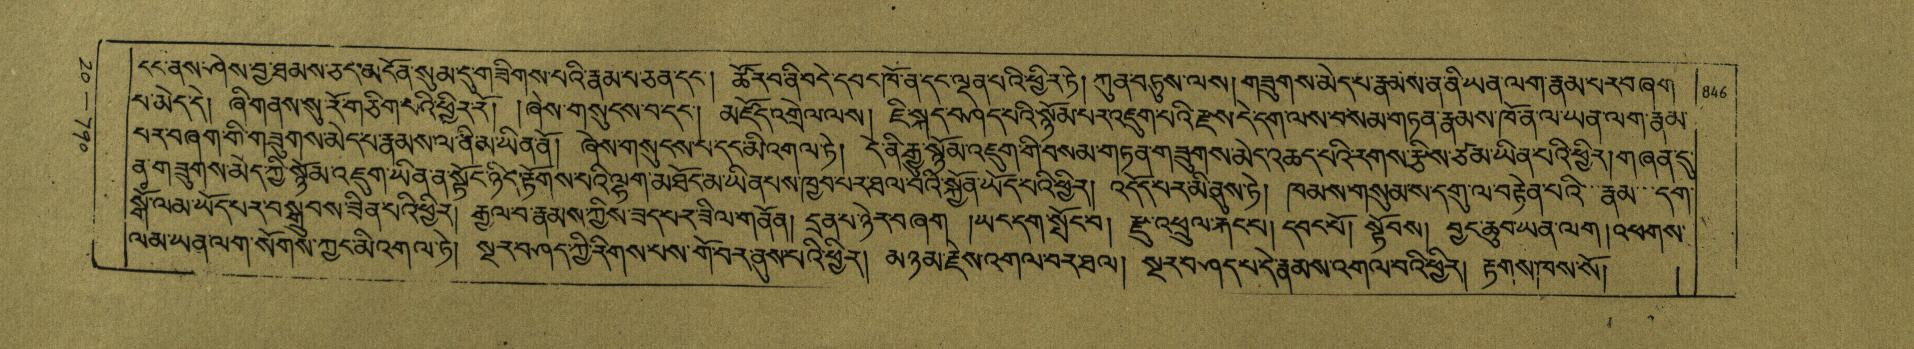དང་ནས་ཤེས་བྱ་ཐམས་ཅད་མངོན་སུམ་དུ་གཙིགས་པའི་རྣམ་པ་ཅན་དང་། ཚོར་བ་ནི་བདེ་དབང་ཁོ་ན་དང་ལྡན་པའི་ཕྱིར་ཏེ། ཀུན་བཏུས་ལས། གཟུགས་མེད་པ་རྣམས་ན་ནི་ཡན་ལག་རྣམ་པར་བཞག་
པ་མེད་དེ། ཞི་གནས་སུ་རོ་གཅིག་པའི་ཕྱིར་རོ། །ཞེས་གསུངས་བ་དང་། མཛོད་འགྲེལ་ལས། ཇི་སྐད་བཤད་པའི་སྙོམ་པར་འཇུག་པའི་རྫས་དེ་དག་ལས་བསམ་གཏན་རྣམས་ཁོ་ན་ལ་ཡན་ལག་རྣམ་
པར་བཞག་གི་གཟུགས་མེད་པ་རྣམས་ལ་ནི་མ་ཡིན་ནོ། ཞེས་གསུངས་པ་དང་མི་འགལ་ཏེ། དེ་ནི་རྒྱུ་སྙོམ་འཇུག་གི་བསམ་གཏན་གཟུགས་མེད་འཆད་པའི་རགས་རྩིས་ཙམ་ཡིན་པའི་ཕྱིར། གཞན་དུ་
ན་གཟུགས་མེད་ཀྱི་སྙོམ་འཇུག་ཡིན་ན་སྟོང་ཉིད་རྟོགས་པའི་ལྷག་མཐོང་མ་ཡིན་པས་ཁྱབ་པར་ཐལ་བའི་སྐྱོན་ཡོད་པའི་ཕྱིར། འདོད་པར་མི་ནུས་ཏེ། ཁམས་གསུམ་ས་དགུ་ལ་བརྟེན་པའི་རྣམ་དག་
སྒོཾ་ལམ་ཡོད་པར་བསྒྲུབས་ཟིན་པའི་ཕྱིར། རྒྱལ་བ་རྣམས་ཀྱིས་ཟད་པར་ཟིལ་གནོན། དྲན་པ་ཉེར་བཞག །ཡང་དག་སྤོང་བ། རྫུ་འཕྲུལ་རྐང་པ། དབང་པོ། སྟོབས། བྱང་ཆུབ་ཡན་ལག། འཕགས་
ལམ་ཡན་ལག་སོགས་ཀྱང་མི་འགལ་ཏེ། སྔར་བཤད་ཀྱི་རིགས་པས་གོ་བར་ནུས་པའི་ཕྱིར། མཉམ་རྗེས་འགལ་བར་ཐལ། སྔར་བཤད་པ་དེ་རྣམས་འགལ་བའི་ཕྱིར། རྟགས་ཁས་སོ། །